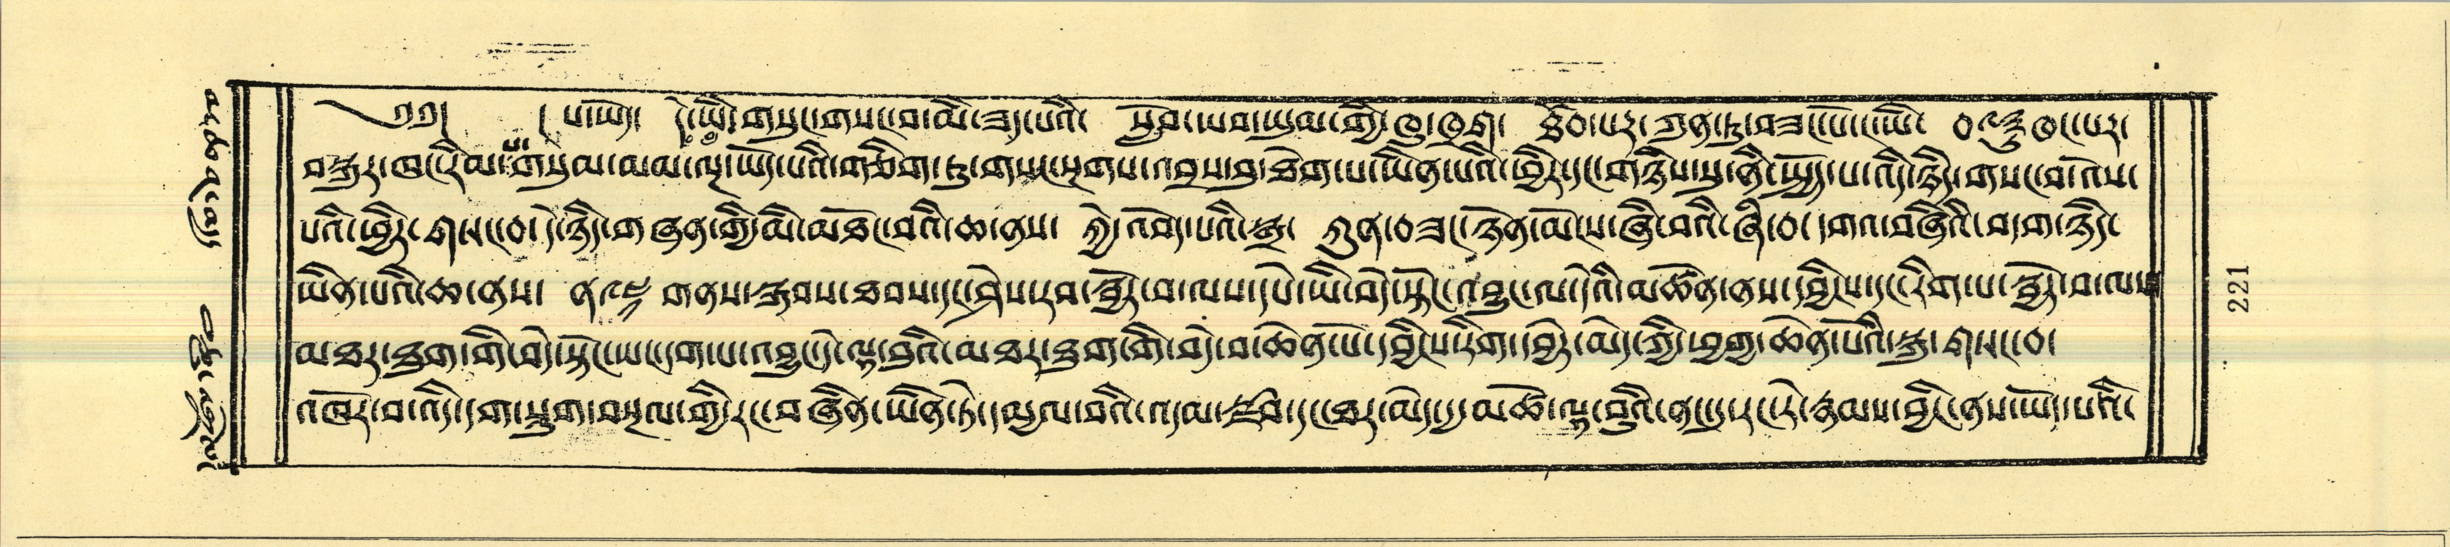པ་ཡོད། དེ་ཡི་གསུང་གསང་བ་མི་ཟད་པའི། སློབ་ཡབ་ཡུམ་གྱི་ཁུ་ཁྲག་ ཐོབ་པར་ཀུན་ཏུ་བཟང་པོ་ང་ཡི་ བ༩༣།༦ ཁང་པར་
བསྐུར་ཁང་རིམ་པ་གསུམ་མམ་ལྔ་ཡོད་པའི་གཅིག་ཏུ་གསང་སྔགས་འབྲས་བུ་ཐེག་པ་ཡིན་པའི་ཕྱིར་དང་གཉིས་སུ་ནི་སྤྱོད་པ་འདི་ཉིད་གསང་བ་འོས་
པའི་ཕྱིར་གསང་བ་་དེ་ཉིད་གཞན་གྱི་མི་མཐོང་བའི་ཆ་ནས། ཀྱེ་འབོད་པའི་སྒྲ། ཀུན་བཟང་ཉོན་མོངས་ཞི་བའི་ཞི་བ་དགའ་བཞིའི་བདག་ཉིད་
ཡིན་པའི་ཆ་ནས་ ན༩༤།༡ གནས་སྐབས་ཐབས་དང་ཤེས་རབ་སྦྱོར་བ་ལས་དཔེ་ཡི་བདེ་སྟོང་འབྱུང་ལ་དེའི་མཚོན་ནས་དབྱིངས་དང་རིག་པ་སྦྱོར་བ་ལས་
མཐར་ཐུག་གི་བདེ་སྟོང་ཡང་དག་པ་འབྱུང་། དེ་ལྟ་བུའི་མཐར་ཐུག་གི་བདེ་བ་ཆེན་པོ་དབྱིངས་རིག་དབྱེར་མེད་ཀྱི་ཕྱག་གྱ་ཆེན་པོའི་སྐུ་གསང་བ་
འཁོར་བ་འདི་དག་སྡུག་བསྔལ་གྱི་རང་བཞིན་ཡིན་ཏེ་དམྱལ་བའི་འདམ་རྫབ་དང་ཐར་མེད་རྒྱ་མཚོ་ལྟ་བུའི་ནང་དུ་རང་རེ་རྣམས་བྱིང་ནས་ཡོད་པའི་